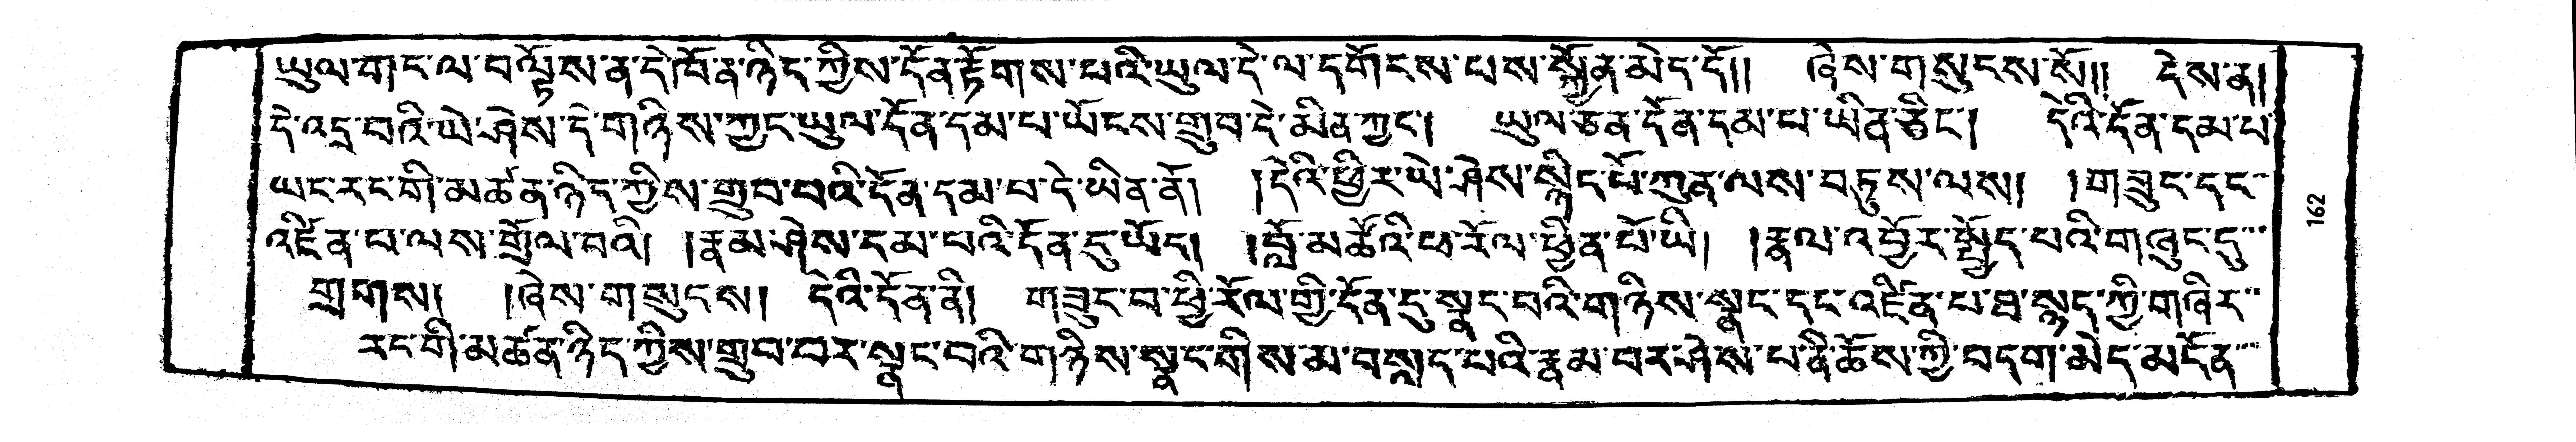ཡུལ་གང་ལ་བལྟོས་ན་དེ་ཁོ་ན་ཉིད་ཀྱིས་དོན་རྟོགས་པའི་ཡུལ་དེ་ལ་དགོངས་པས་སྐྱོན་མེད་དོ། །ཞེས་གསུངས་སོ། །དེས་ན།
དེ་འདྲ་བའི་ཡེ་ཤེས་དེ་གཉིས་ཀྱང་ཡུལ་དོན་དམ་པ་ཡོངས་གྲུབ་དེ་མིན་ཀྱང་། ཡུལ་ཅན་དོན་དམ་པ་ཡིན་ཅིང་། དེའི་དོན་དམ་པ་
ཡང་རང་གི་མཚན་ཉིད་ཀྱིས་གྲུབ་པའི་དོན་དམ་པ་དེ་ཡིན་ནོ། །དེའི་ཕྱིར་ཡེ་ཤེས་སྙིང་པོ་ཀུན་ལས་བཏུས་ལས། །གཟུང་དང་
འཛིན་པ་ལས་གྲོལ་བའི། །རྣམ་ཤེས་དམ་པའི་དོན་དུ་ཡོད། །བློ་མཚོའི་ཕ་རོལ་ཕྱིན་པོ་ཡི། །རྣལ་འབྱོར་སྤྱོད་པའི་གཞུང་དུ་
གྲགས། །ཞེས་གསུངས། དེའི་དོན་ནི། གཟུང་བ་ཕྱི་རོལ་གྱི་དོན་དུ་སྣང་བའི་གཉིས་སྣང་དང་འཛིན་པ་ཐ་སྙད་ཀྱི་གཞིར་
རང་གི་མཚན་ཉིད་ཀྱིས་གྲུབ་པར་སྣང་བའི་གཉིས་སྣང་གིས་མ་བསླད་པའི་རྣམ་པར་ཤེས་པ་ནི་ཆོས་ཀྱི་བདག་མེད་མངོན་